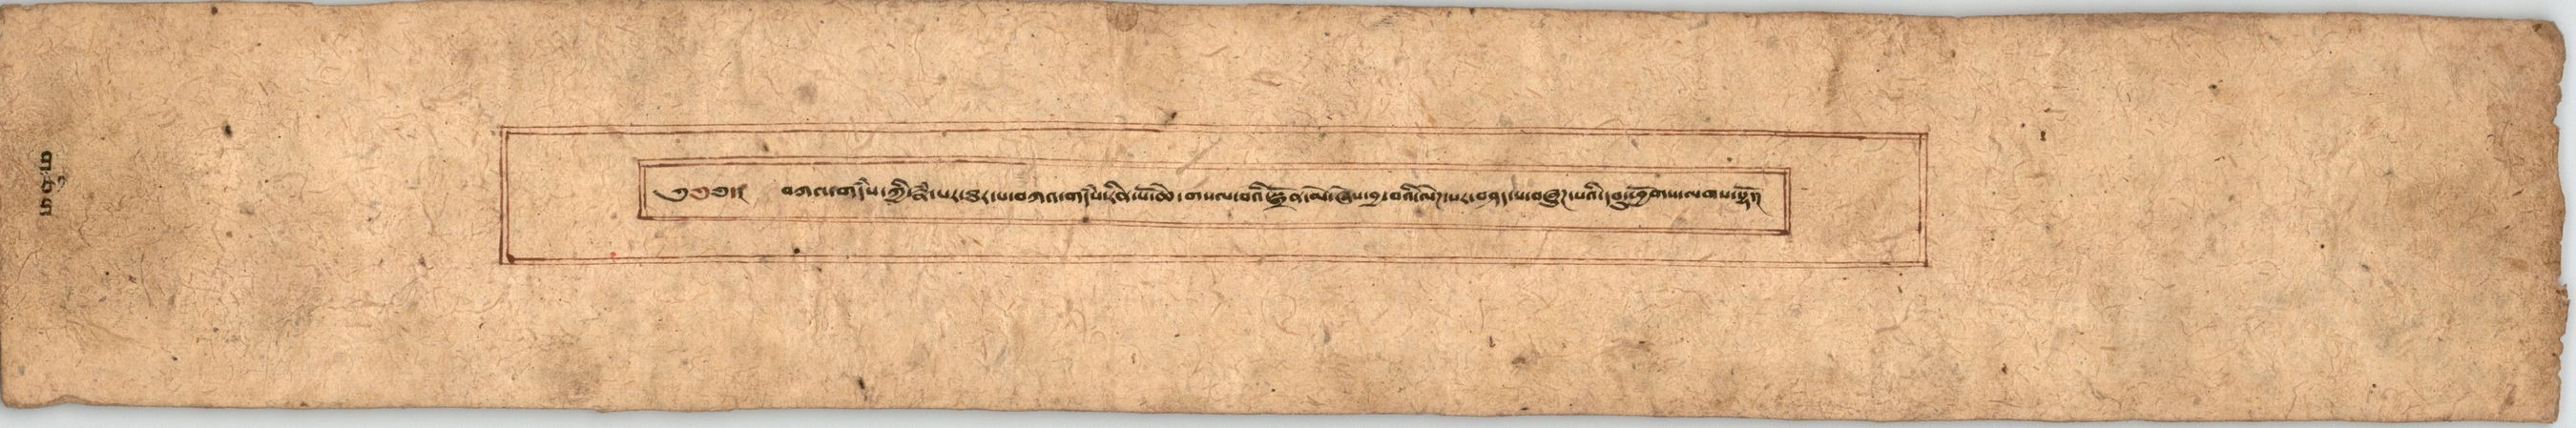༄༅༅་། བཀའ་གདཾས་ཀྱི་རྣཾ་པར་ཐར་པ་བཀའ་གདཾས་རིན་པོ་ཆེ་གསལ་བའི་སྒྲོན་མེ་ཞེས་བྱ་བའི་ལེགས་པར་བཤད་པ་བཞུཌ་པའི་དབུ་ཕྱོགས་ལགས་སྷོ་།